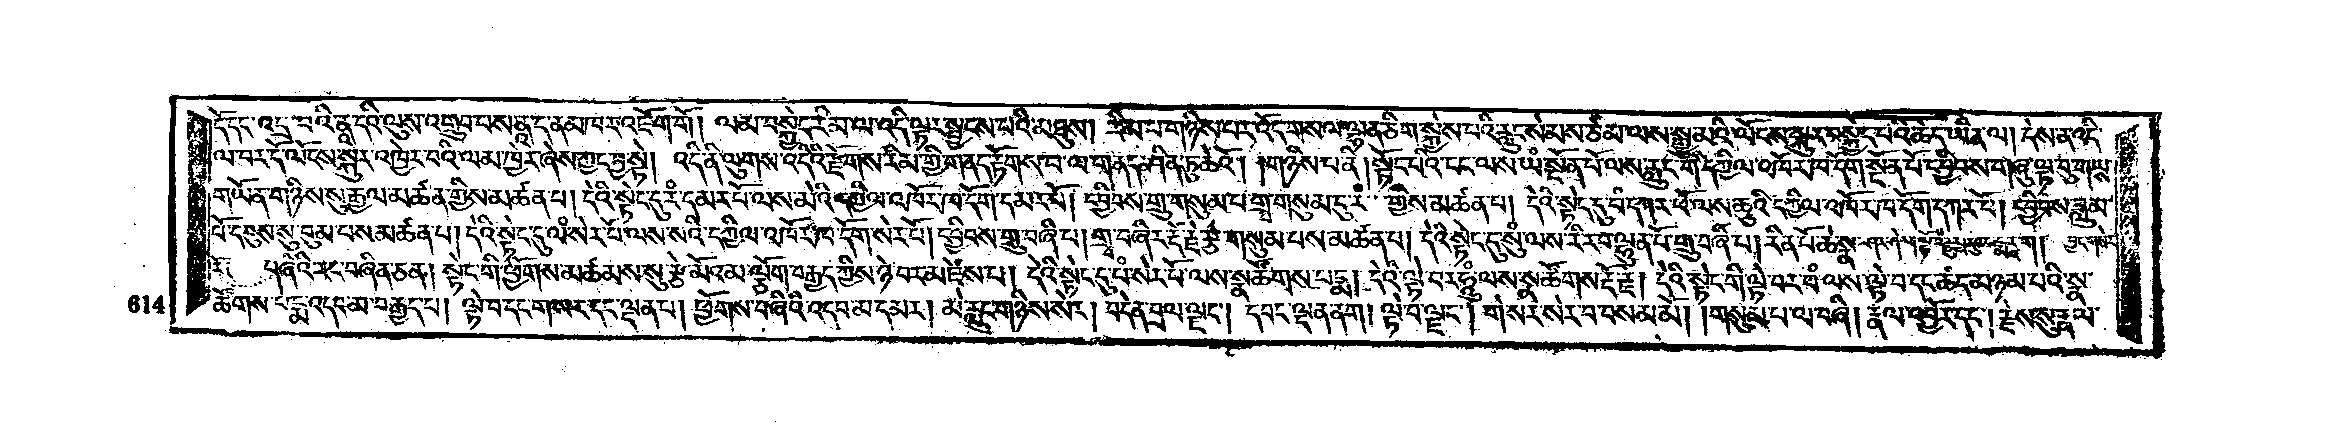དོ་དང་འདྲ་བའི་ནཱ་དའི་ལུས་འགྲུབ་པས་ནཱ་ད་ནམ་མཁར་འཇོག་གོ །ལམ་བསྐྱེད་རིམ་ལ་འདི་ལྟར་སྦྱངས་པའི་མཐུས། རིམ་པ་གཉིས་པར་འོད་གསལ་ལྷན་ཅིག་སྐྱེས་པའི་རླུང་སེམས་ཙམ་ལས་སྒྱུ་མའི་ལོངས་སྐུར་བསྐྱེད་པའི་ཆེད་ཡིན་ལ། དེས་ན་འདི་
ལ་བར་དོ་ལོངས་སྐུར་འཁྱེར་བའི་ལམ་མཁྱེར་ཞེས་ཀྱང་བྱ་སྟེ། འདི་ནི་ལུགས་འདིའི་རྫོགས་རིམ་གྱི་གནད་རྟོགས་པ་ལ་གནད་ཤིན་ཏུ་ཆེའོ། །གཉིས་པ་ནི། སྟོང་པའི་ངང་ལས་ཡཾ་སྔོན་པོ་ལས་རླུང་གི་དཀྱིལ་འཁོར་ཁ་དོག་སྔོན་པོ་དབྱིབས་གཞུ་ལྟ་བུ་གཡས་
གཡོན་གཉིས་སུ་རྒྱལ་མཚན་གྱིས་མཚན་པ། དེའི་སྟེང་དུ་རཾ་དམར་པོ་ལས་མེའི་དཀྱིལ་འཁོར་ཁ་དོག་དམར་པོ། དབྱིབས་གྲུ་གསུམ་པ་གྲྭ་གསུམ་དུ་རཾ་གྱིས་མཚན་པ། དེའི་སྟེང་དུ་བཾ་དཀར་པོ་ལས་ཆུའི་དཀྱིལ་འཁོར་ཁ་དོག་དཀར་པོ། དབྱིབས་ཟླུམ་
ངོ་དབུས་སུ་བུམ་པས་མཚན་པ། དེའི་སྟེང་དུ་ལཾ་སེར་པོ་ལས་སའི་དཀྱིལ་འཁོར་ཁ་དོག་སེར་པོ། དབྱིབས་གྲུ་བཞི་པ། གྲྭ་བཞིར་རྡོ་རྗེ་རྩེ་གསུམ་པས་མཚན་པ། དེའི་སྟེང་དུ་སུམ་ལས་རི་རབ་ལྷུན་པོ་གྲུ་བཞི་པ། རིན་པོ་ཆེ་སྣ་ཤར་ཤེལ། ལྷོ་བཻཌཱུརྱ། ནུབ་པདམ་རཱ་ག །བྱང་གསེར་
རོ། བཞིའི་རང་བཞིན་ཅན། སྟེང་གི་ཕྱོགས་མཚམས་སུ་རྩེ་མོའམ་ལྕོག་བརྒྱད་ཀྱིས་ཉེ་བར་མཛེས་པ། དེའི་སྟེང་དུ་པཾ་སེར་པོ་ལས་སྣ་ཚོགས་པདམ། དེའི་ལྟེ་བར་ཧཱུཾ་ལས་སྣ་ཚོགས་རྡོ་རྗེ། དེའི་སྟེང་གི་ལྟེ་བར་པཾ་ལས་ལྟེ་བ་དང་ཚད་མཉམ་པའི་སྣ་
ཚོགས་པདམ་འདབ་མ་བརྒྱད་པ། ལྟེ་བ་དང་གེ་སར་དང་ལྡན་པ། ཕྱོགས་བཞིའི་འདབ་མ་དམར། མེ་རླུང་གཉིས་སེར། བདེན་བྲལ་ལྗང་། དབང་ལྡན་ནག །ལྟེ་བ་ལྗང་། གེ་སར་སེར་བ་བསམ་མོ། །གསུམ་པ་ལ་བཞི། རྣལ་འབྱོར་དང་། རྗེས་སུ་རྣལ་